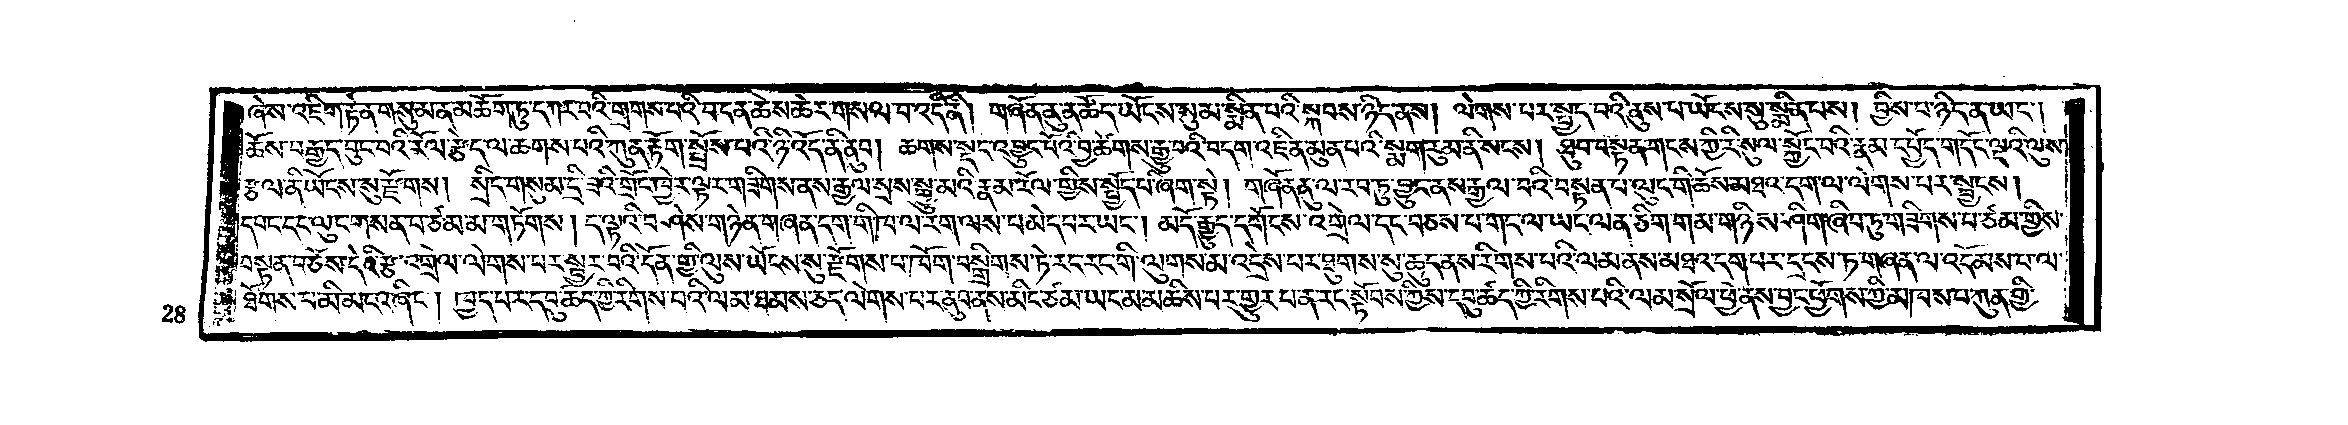ཞེས་འཇིག་རྟེན་གསུམ་ན་མཆོག་ཏུ་དཀར་བའི་གྲགས་པའི་བ་དན་ཆེས་ཆེར་གསལ་བ་འདི་ནི། གཞོན་ནུ་ན་ཚོད་ཡོངས་སུ་མ་སྨིན་པའི་སྐབས་ཉིད་ནས། ལེགས་པར་སྤྱད་པའི་ནུས་པ་ཡོངས་སུ་སྨིན་པས། བྱིས་པ་ཉིད་ན་ཡང་།
ཆོས་བརྒྱད་བུང་བའི་རོལ་རྩེད་ལ་ཆགས་པའི་ཀུན་རྟོག་སྤྲོས་པའི་ཉི་འོད་ནི་ནུབ། ཆགས་སྡང་འབྱུང་པོའི་བྱ་ཚེགས་རྒྱུ་བའི་བདག་འཛིན་མུན་པའི་སྨག་རུམ་ནི་སངས། ཐུབ་བསྟན་གངས་ཀྱི་རི་སུལ་སྐྱོང་བའི་རྣམ་དཔྱོད་གདོང་ལྔའི་ལུས་
རྩལ་ནི་ཡོངས་སུ་རྫོགས། སྲིད་གསུམ་དྲི་ཟའི་གྲོང་ཁྱེར་ལྟར་གཟིགས་ནས་རྒྱལ་སྲས་སྒྱུ་མའི་རྣམ་རོལ་གྱིས་སྤྱོད་པ་ཞིག་སྟེ། གཞོན་ནུ་ལ་རབ་ཏུ་བྱུང་ནས་རྒྱལ་བའི་བསྟན་པ་ལུང་གི་ཆོས་མཐའ་དག་ལ་ལེགས་པར་སྦྱངས།
དབང་དང་ལུང་གསན་པ་ཙམ་མ་གཏོགས། ད་ལྟའི་བཤེས་གཉེན་གཞན་དག་གི་ཁ་ལ་རག་ལས་པ་མེད་པར་ཡང་། མདོ་རྒྱུད་དགོངས་འགྲེལ་དང་བཅས་པ་གང་ལ་ཡང་ལན་ཅིག་གམ་གཉིས་ཤིག་ཞིབ་ཏུ་གཟིགས་པ་ཙམ་གྱིས་
བསྟན་བཅོས་དེའི་རྩ་འགྲེལ་ལེགས་པར་སྦྱར་བའི་དོན་གྱི་ལུས་ཡོངས་སུ་རྫོགས་པ་ཁོག་བསྒྲིབ་ཏེ་རང་རང་གི་ལུས་མ་འདྲེས་པར་ཐུགས་སུ་ཆུད་ནས་རིགས་པའི་ལམ་ནས་མཐའ་དག་པར་དྲངས་ཏ་གཞན་ལ་འདོམས་པ་ལ་
ཐོགས་པ་མི་མངའ་ཞིང་། ཁྱད་པར་དབུ་ཚད་ཀྱི་རིགས་པའི་ལམ་ཐམས་ཅད་ལེགས་པར་ནུབ་ནས་མིང་ཙམ་ཡང་མ་མཆིས་པར་གྱུར་པ་ན་རང་སྟོབས་ཀྱིས་དབུ་ཚད་ཀྱི་རིགས་པའི་ལམ་སྲོལ་ཕྱེ་ནས་བྱང་ཕྱོགས་ཀྱི་མཁས་པ་ཀུན་གྱི་